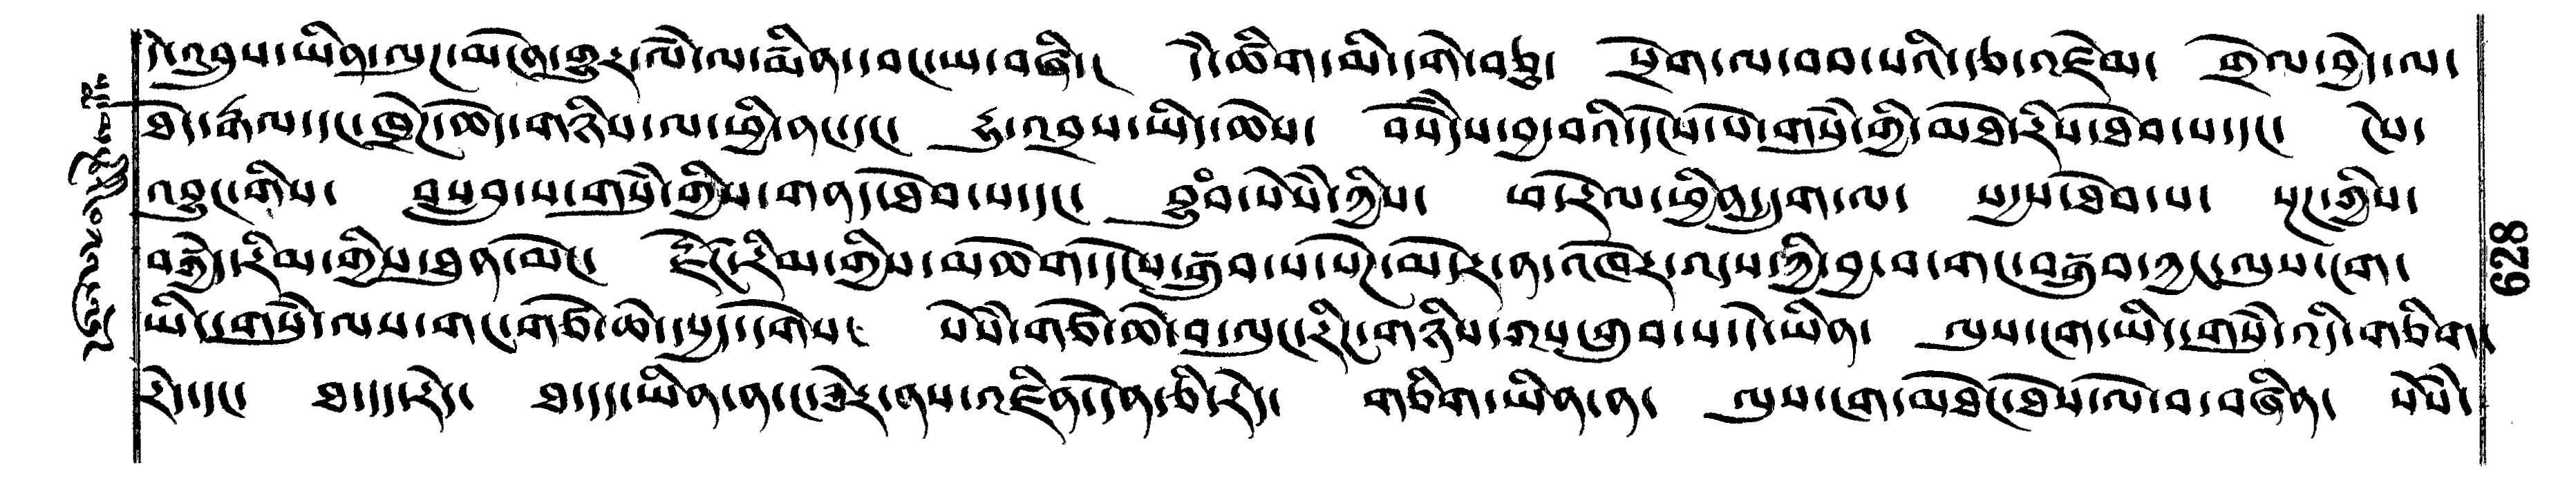དེ་འབྲས་བུ་ཡིན་ལུགས་མངོན་གྱུར་ལམ་ལ་སྨིན་དབང་ཡ་བཞི། དམ་ཚིག་མི་དགེ་བཅུ་སྲོག་ལ་བབ་ ( པའི་ ? )ཀྱང་རྩ་འཛེམ། གྲོལ་བྱེད་ལ་
ཐོད་རྒལ་དང་ཁྲེགས་ཆོད་གཉིས་ལ་ཕྱི་ནང་དང་། རྒྱུ་འབྲས་ཡིད་ཆེས། བསོད་ནམས་བྱ་བའི་དངོས་པོ་གསུམ་གྱི་མཐོ་རིས་ཐོབ་པ་དང་། ངེས་
འབྱུང་གིས་བསླབ་པ་གསུམ་གྱིས་གནད་ཐོབ་པ་དང་། བྱང་ཆུབ་སེམས་ཀྱིས་ཕ་རོལ་ཕྱིན་དྲུག་ལ། སངས་རྒྱས་ཐོབ་པ། སྔགས་ཀྱིས་
བསྐྱེད་རིམ་གྱིས་ཐུན་མོང་། རྫོགས་རིམ་གྱིས་མཆོག་དངོས་སྒྲུབ་པ་སོགས་མདོར་ན་འཁོར་འདས་ཀྱི་བྱ་བ་གང་བསྒྲུབ་ཀྱང་ལུས་ངག་
ཡིད་གསུམ་ལས་གང་གཙོ་ཆེ་དཔྱད་དགོས། སེམས་གཙོ་ཆེ་བ་ལུང་རིགས་གཉིས་ཀས་གྲུབ་པ་དེ་ཡིན། ལུས་ངག་ཡིད་གསུམ་འདི་གཅིག་
རེད་དང་། ཐ་དད་རེད། ཐ་དད་ཡིན་ན་ང་ཟེར་ནས་འཛིན་དོན་ཅི་རེད། གཅིག་ཡིན་ན། ལུས་ངག་མཐོང་ཐོས་ལོ་བ་བཞིན། སེམས་